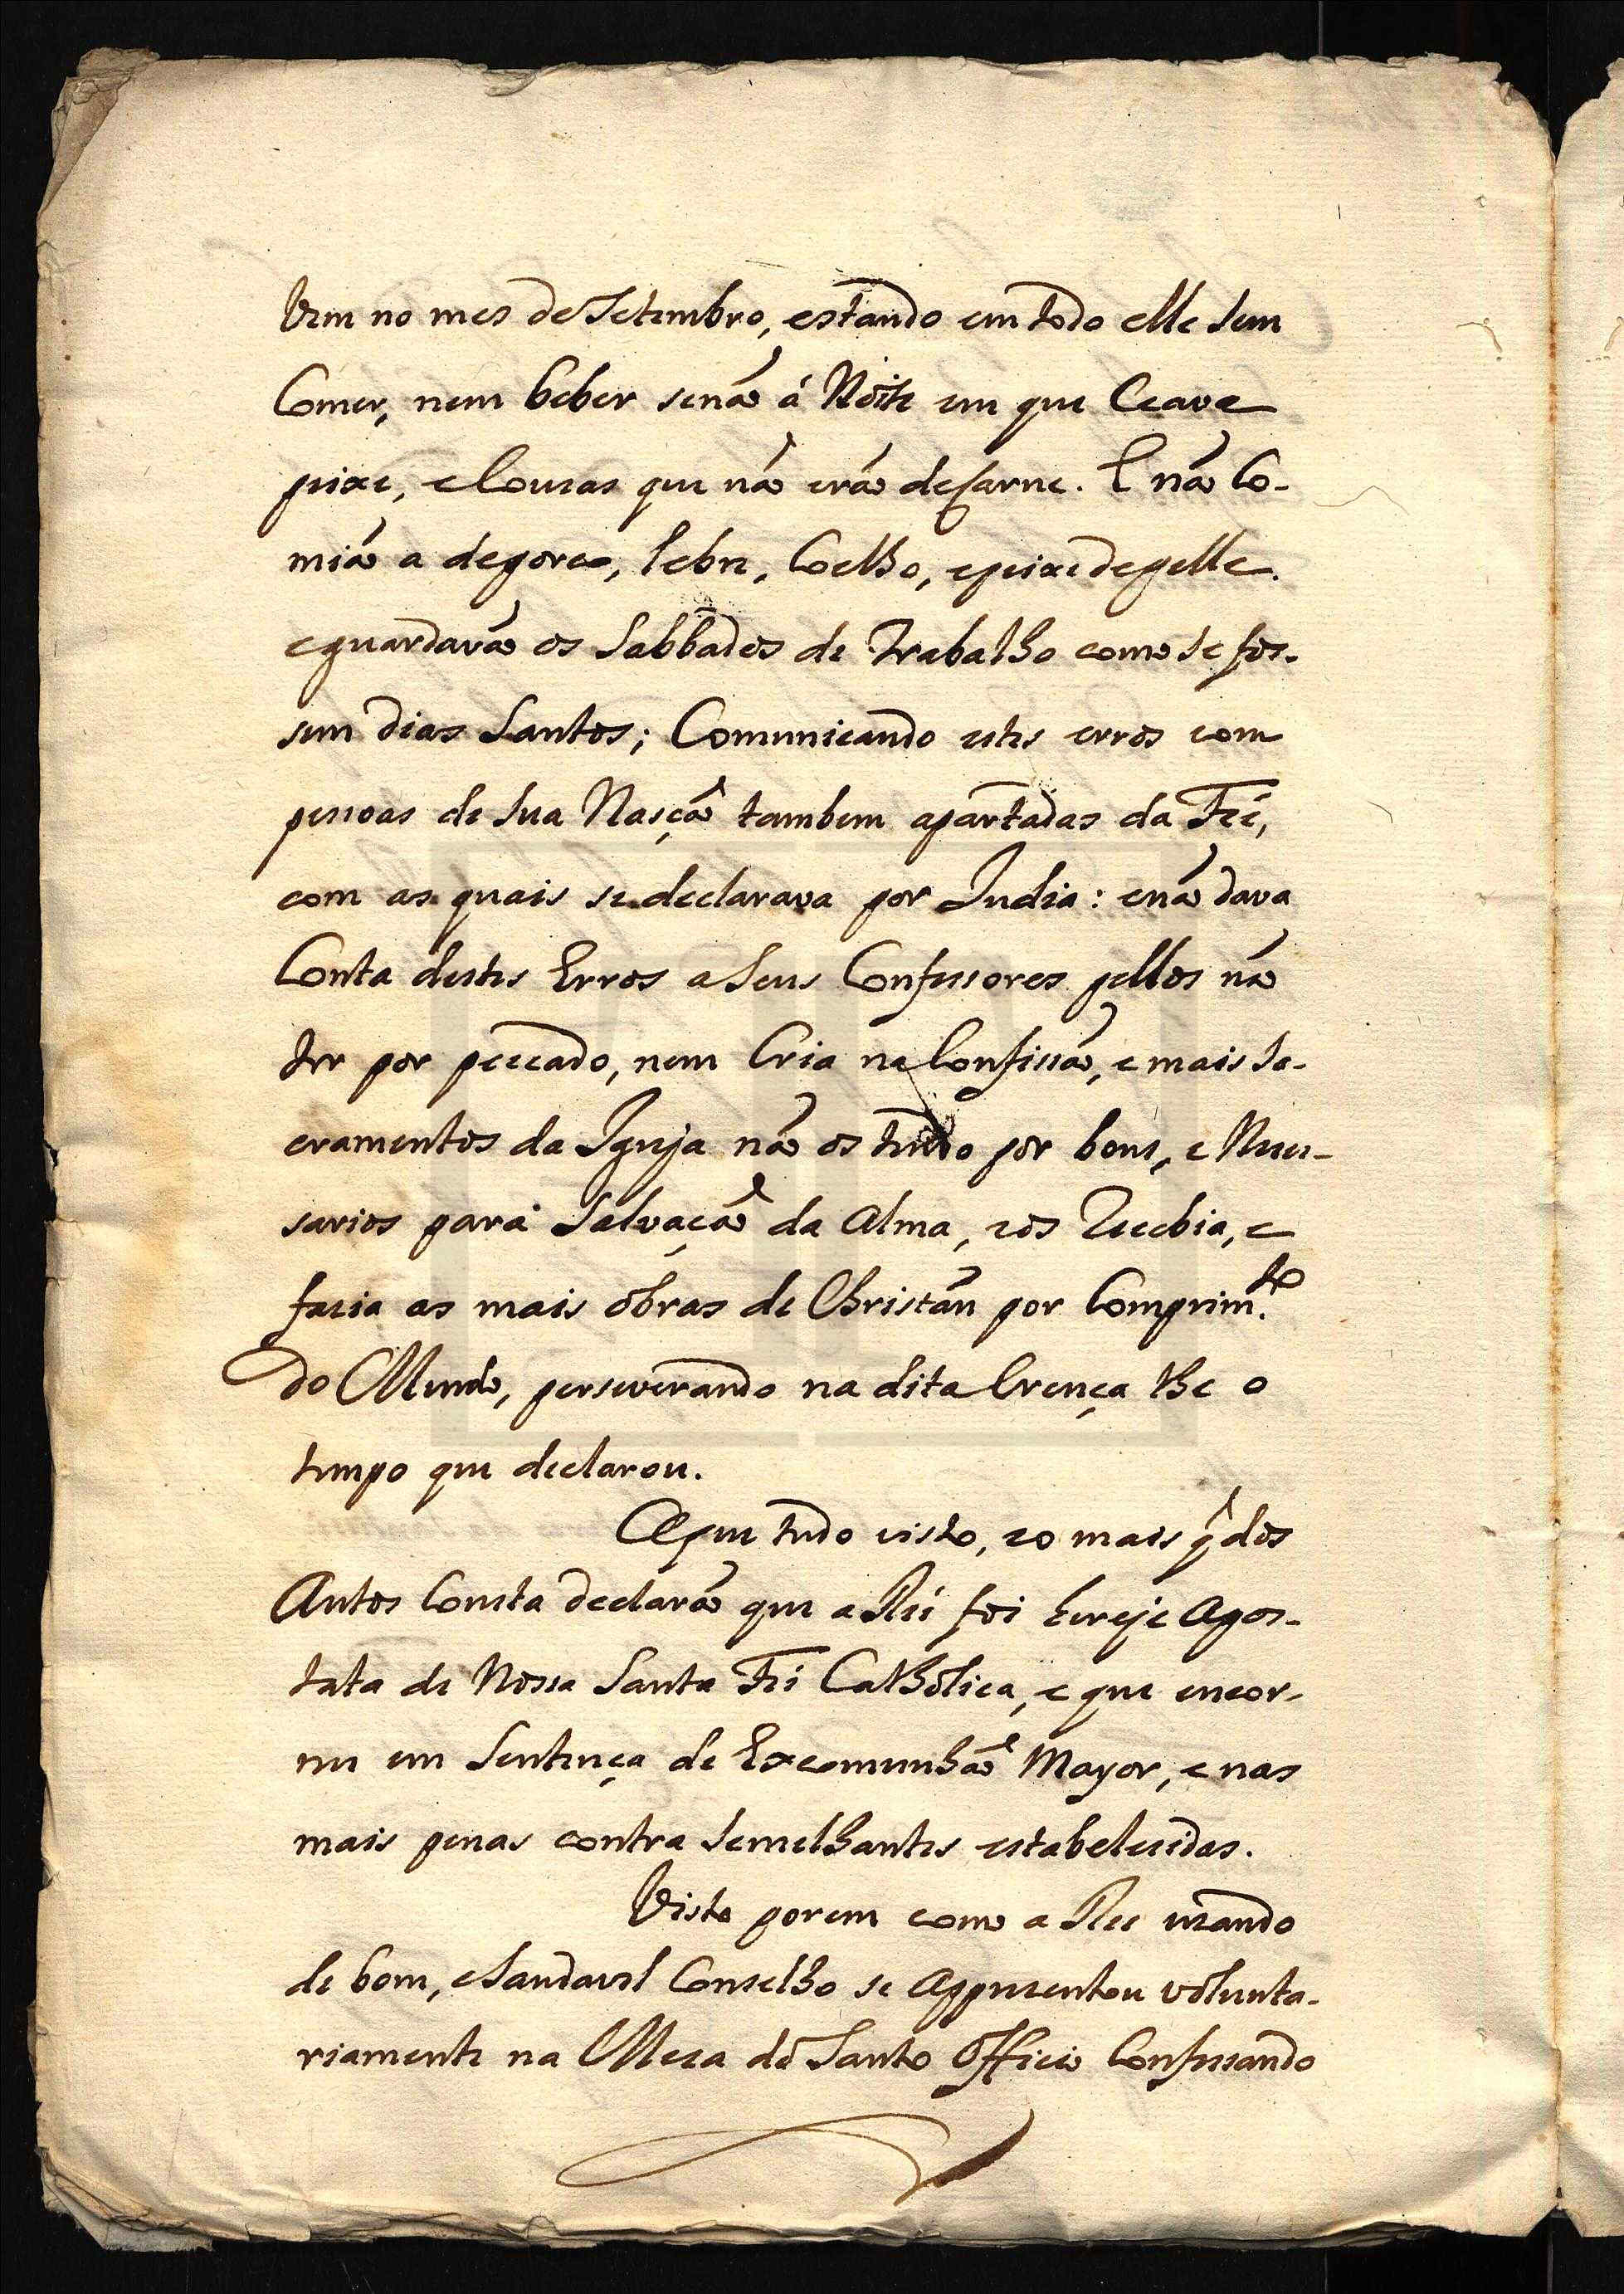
Vem no mes de Setembro, estando em todo elle sem
Comer, nem beber senão á Noite em que Ceava
peixe, e Couzas que não erão de Carne. E não Co
mião a de porco, lebre, Coelho, e peixe de pelle.
e guardavão os Sabbados de Trabalho como se fos
sem dias Santos; Comunicando estes erros com
pessoas de Sua Nasção tambem apartadas da Feé,
com as quais se declarava por Iudia: e não dava
Conta destes Erros a Seus Confessores pellos não
ter por peccado, nem Cria na Confissão, e mais Sa
cramentos da Igreja não os tendo por bons, e Neces
sarios para Salvaçaõ da alma, e os Recebia, e
fazia as mais obras de Christān por Comprim.to
do Mundo, perseverando na dita Crença the o
tempo que declarou.
O que tudo visto, e o mais q̄ dos
Autos Consta declarão que a Reé foi hereje Apos
tata da Nossa Santa Feé Catholica, e que encor
reu em Sentença de Excomunhaõ Mayor, e nas
mais penas contra Semelhantes estabelesidas.
Visto porem como a Ree uzando
de bom, e Saudavel Conselho se Apprezentou volunta
riamente na Meza do Santo Officio Confessando
